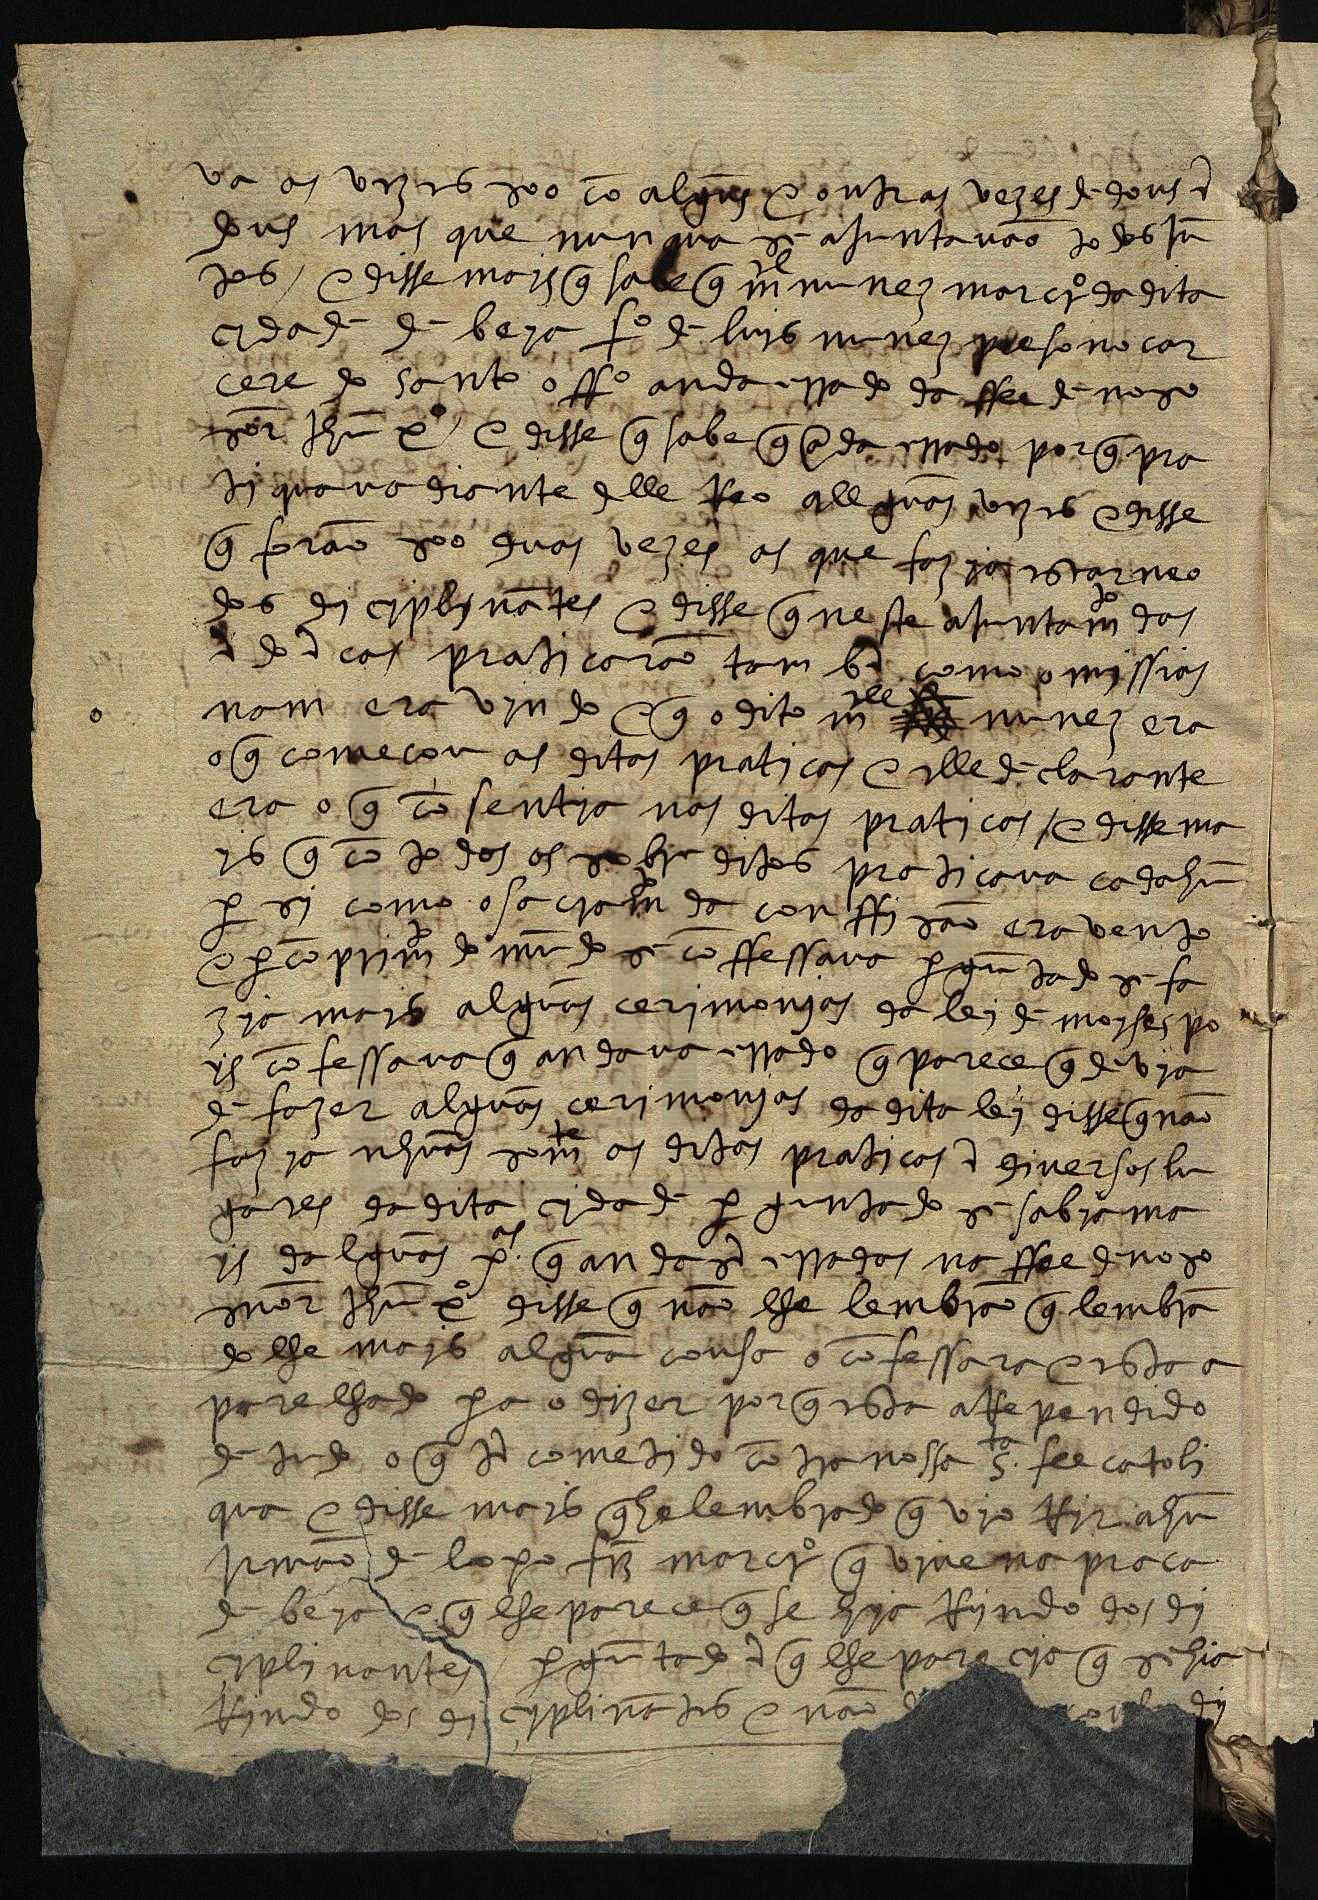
va as vezes soo c̄o algūs e outras vezes de dous ē
dous mas que nunqua se aJuntauão todos Jū
tos / e disse mais q̄ sabe q̄ mel nunez marcro da dita
cydade de beya fo de lujs nunez preso no car
cere do santo offo anda errado da ffee de noso
sōr Jhū xo / e disse q̄ sabe q̄ āda errado porq̄ pra
tyquaua diante delle Reo allgūas vezes e disse
q̄ forão soo duas vezes as que fazya escarneo
dos dycyplynātes e disse q̄ neste aJuntamto das
ēdoēças praticaraō tambē como o myssias
nam era vyndo e q̄ o dito mell frz nunez era
o q̄ começou as ditas pratycas e elle declarante
era o q̄ c̄osentya nas ditas pratycas / e disse ma
ys q̄ cō todos os sobreditos praticaua cada hū
ꝑ sy como o sacramto da conffysão era vento
e ꝑ c̄oprymto do mūdo se cōffessaua ꝑgūtado se fa
zya mays algūas cerjmonjas da ley de moyses po
ys c̄ofessaua q̄ andaua errado q̄ parece q̄ devya
de fazer alguās cerjmonjas da dita ley disse q̄ não
fazya nhūas somte as ditas pratycas ē diuersos lu
gares da dita cydade ꝑguntado se sabya ma
ys dalgūas pas q̄ andasē erradas na ffee de noso
snōr Jhū xo disse q̄ não lhe lembrão q̄ lembrā
do lhe majs algūa cousa o c̄ofessara e esta a
parelhado ꝑa o dyzer porq̄ esta aRependido
de tudo o q̄ tē cometjdo cōtra nossa S.ta fee catoli
qua e disse mays q̄ he lembrado q̄ vyo Ryr a hū
Jrmão de lopo frz̄ marcro q̄ vjue na praça
de beya e q̄ lhe parece q̄ se hya Ryndo dos dy
cyplynantes/ ꝑgūtado ē q̄ lhe parecya q̄ se hia
Ryndo dos dycyplinātes e não
